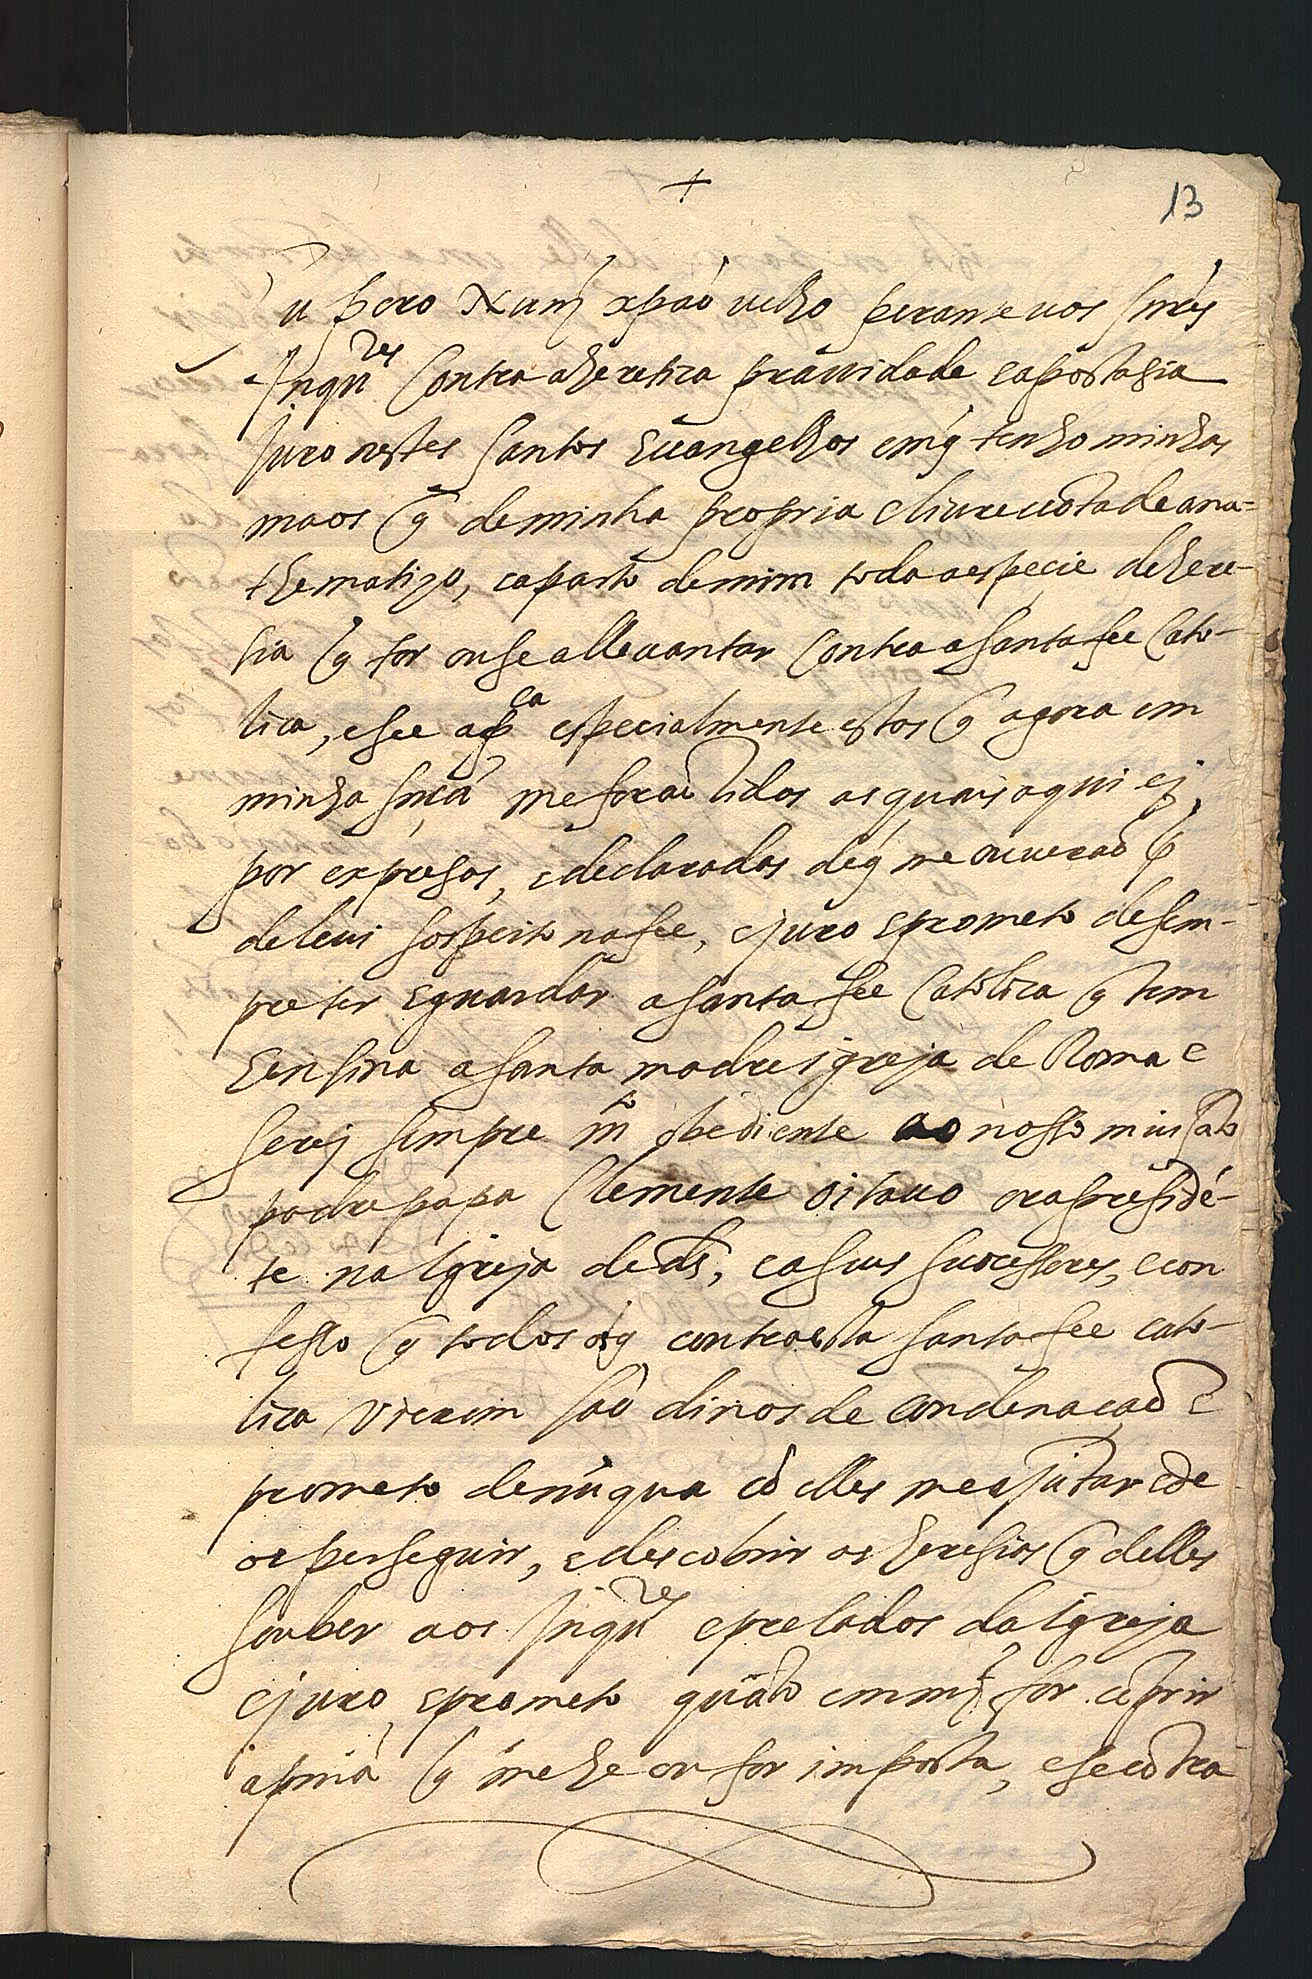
Eu pero Nunz̄ xpaõ uelho perante uos snrēs
Jnqures Contra a heretica prauidade E apostasia
Juro nestes santos Euangelhos em q̄ tenho minhas
maos q̄ de minha propria e liure uōtade ana
thematizo, e aparto de mim toda a especie de here
sia q̄ for ou se alleuantar Contra a santa fee Cato
lica, e see apca especialmente estas q̄ agora em
minha snçā me foraõ lidas as quais aqui ej
por expresas, E declaradas de q̄ me ouueraõ p̄
de leui sospeito na fee, e juro E prometo de sem
pre ter E guardar a santa fee Catolica q̄ tem
E ensina a santa madre igreja de Roma e
serej sempre mto obediente ao nosso mui sāto
padre papa Clemente oitauo ora presidē
te na Igreja de d̄s, e a seus suocessores, e con
fesso q̅ todos os q̄ contra esta santa fee cato
lica vierem saõ dinos de condenaçaõ e
prometo de nūqua cō elles me ajūtar e de
os perseguir, E descobrir as heresias q̄ delles
souber aos Jnqures e prelados da Igreja
e juro, E prometo quāto em mj̄ for cōprir
a pniā q̄ me he ou for imposta, e se cōtra
